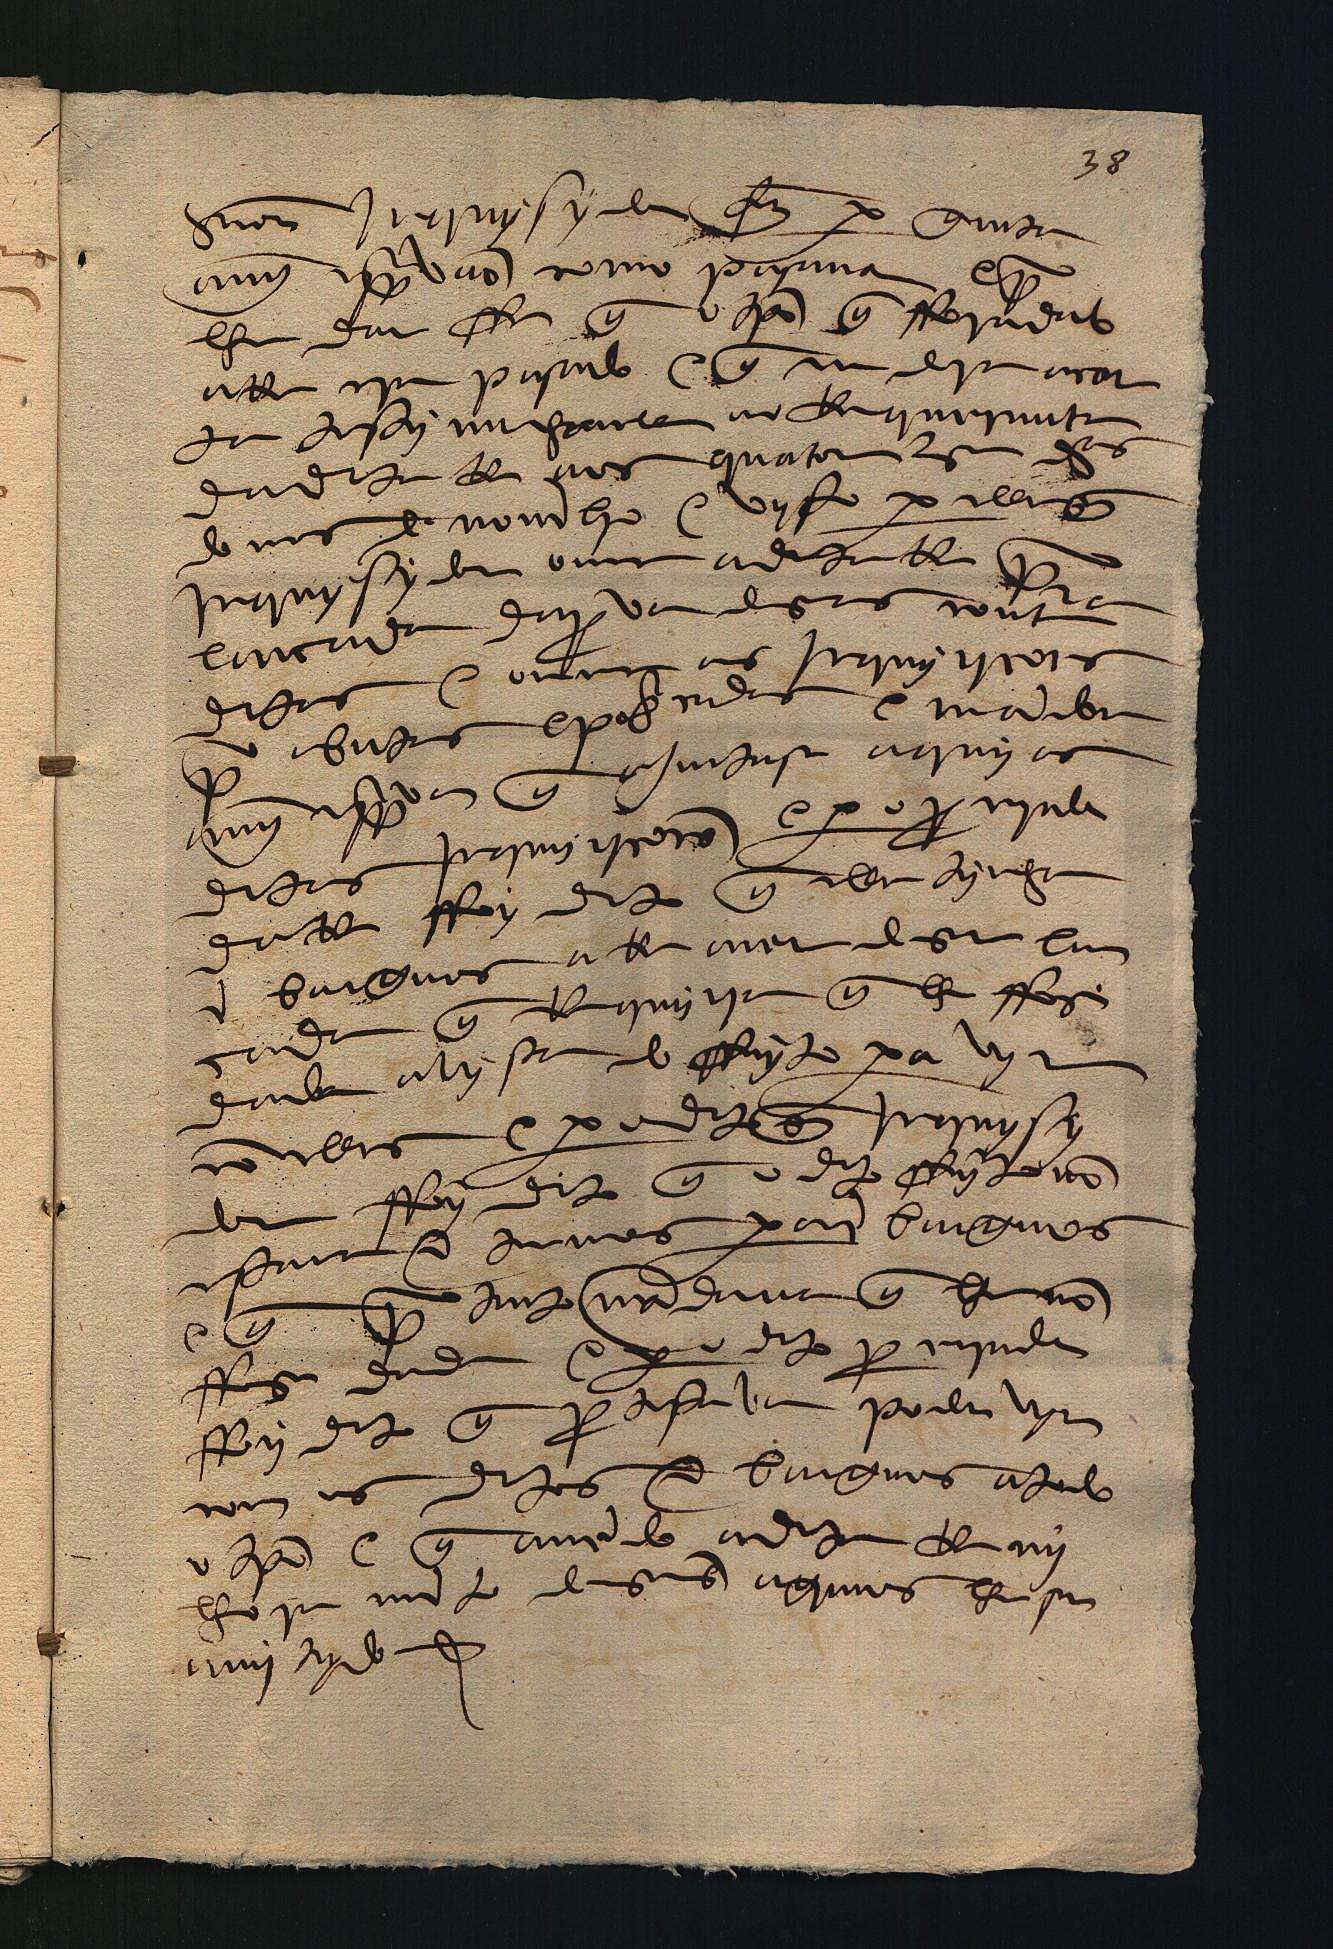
Sn̄or Jnquysydor fez ꝑgunta
a mj̄ esp̄vaõ como pasaua e p̄o
lhe dar ffe q̄ o tpō q̄ ffora dado
a Re era pasado e q̄ eu dera a car
ta testymunhauell ao Requeremte
da dita Re aos quatorze djas
do mes de nouēbro e vysto ꝑ elle s̄or
Jnquysydor ouue a dita Re p̄o
lançada da ꝓva de suas contra
ditas e ouue as Jnquyrjçoes
p̄o abertas e pobicadas e mādou
a mj̄ esp̄vam q̄ aJuntase aquy as
ditas Jnquyrjçoẽs e ꝑ o ꝓcurador
da Re ffoy dito q̄ elle tynha
ēbarguos a Re auer de ser lan
çada q̄ Requyrja q̄ lhe ffose
dada a vysta do ffeyto ꝑa vyr
cō elles e ꝑ o dito s̄or Jnquysy
dor ffoy dito q̄ o dito ffeyto nō
estaua ē termos ꝑa ēbarguos
e q̄ p̄otanto m̄adaua q̄ lhe nō
ffose dada e ꝑ o dito ꝓcurador
ffoy dito q̄ ꝓtestava poder vyr
com os ditos ēbarguos a todo
o tpō e q̄ auēdo a dita Re mj
lhoramēto de seus agrauos lhe ser
amjtydo
